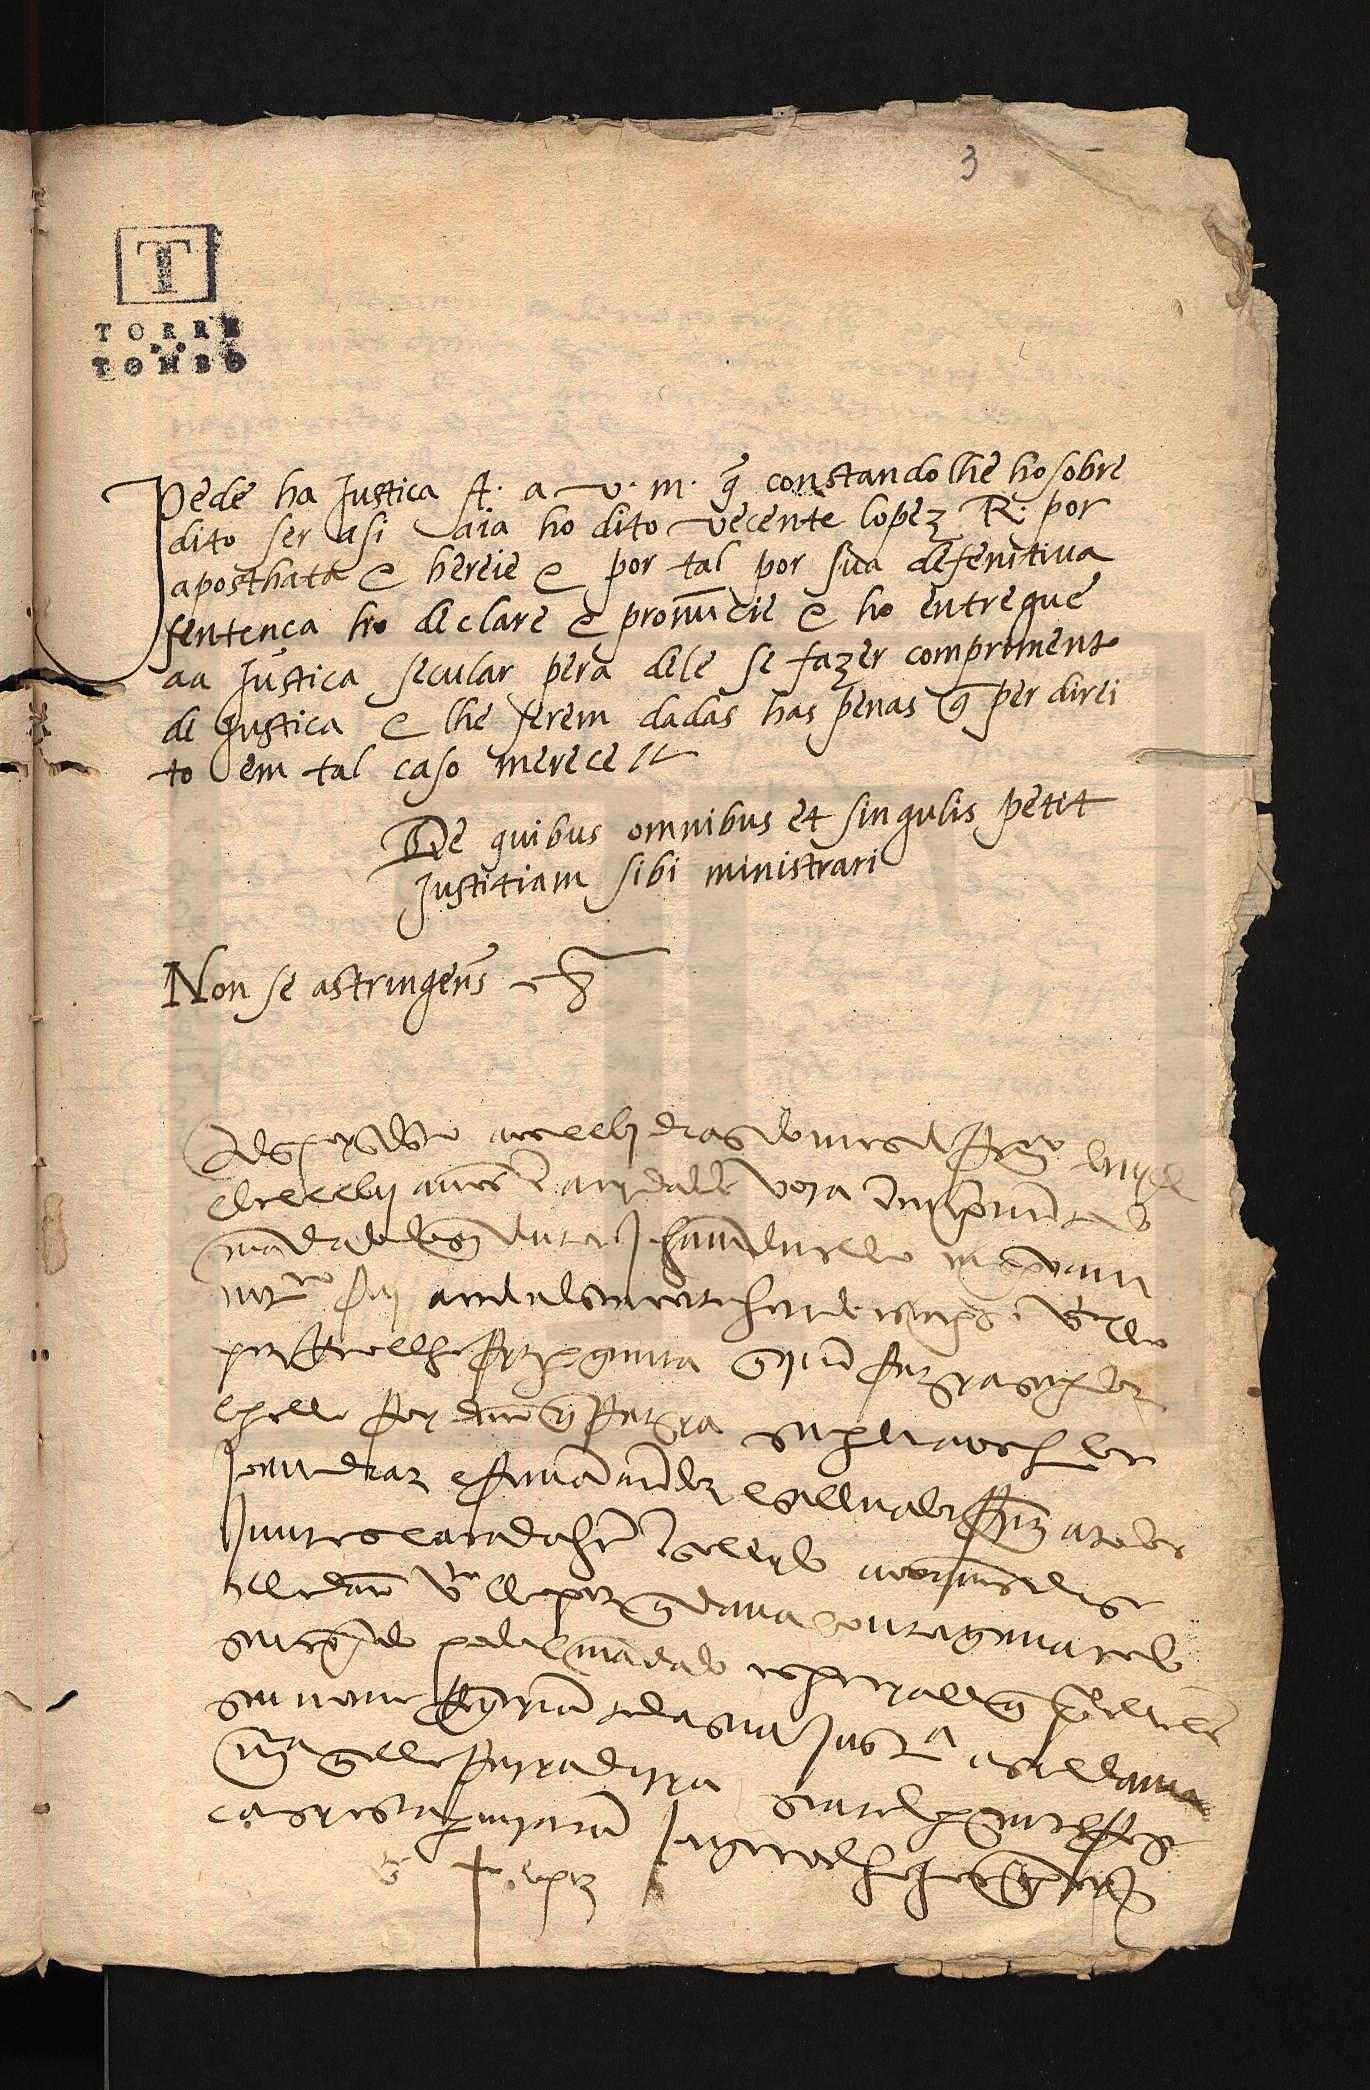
Pede ha Justiça A. a v. m. q̄ constando lhe ho sobre
dito ser asi aia ho dito vecente lopez R. por
aposthata e hereie e por tal por sua defenitiua
sentença ho declare e pronūcie e ho entregue
aa Justiça secular pera dele se fazer comprimento
de Justiça e lhe serem dadas has penas q̄ per direi
to em tal caso merece //
De quibus omnibus et singulis petit
Justitiam sibi ministrari
Non se astringens̄ cꝭ
E despoys desto aos xxbj dias do mes de feuro de mjll
e bc xxxbij anos ē a cydade devora ē cunp̄mēto do
mādado do s̄r doutor Joham de mello eu esp̄vam
notro fuj a cadea desta corte honde esta p̄so vte llo
pez Reo e lhe fyz ꝑgunta q̄ quē fazya seu ꝑdor
e ꝑ elle foy dito q̄ fazya seu ꝑdor aos Ldos
Joam diaz e fernā mēdez e salluador fr̄z a todos
Juntos e a cada hū ē sollydo aos quaes dise
elle dito vte llopez q̄ daua e outorgaua todo
seu c̄op̄do poder e mādado especyall q̄ p̄o elle e ē
seu nome Reqyrā̄ toda sua Justa asy e da ma
nra q̄ elle farya dirya se a todo ꝑsente fose
e asy esta ꝑcuraçā Jorge coelho ho esp̄vy
vte + lopez
